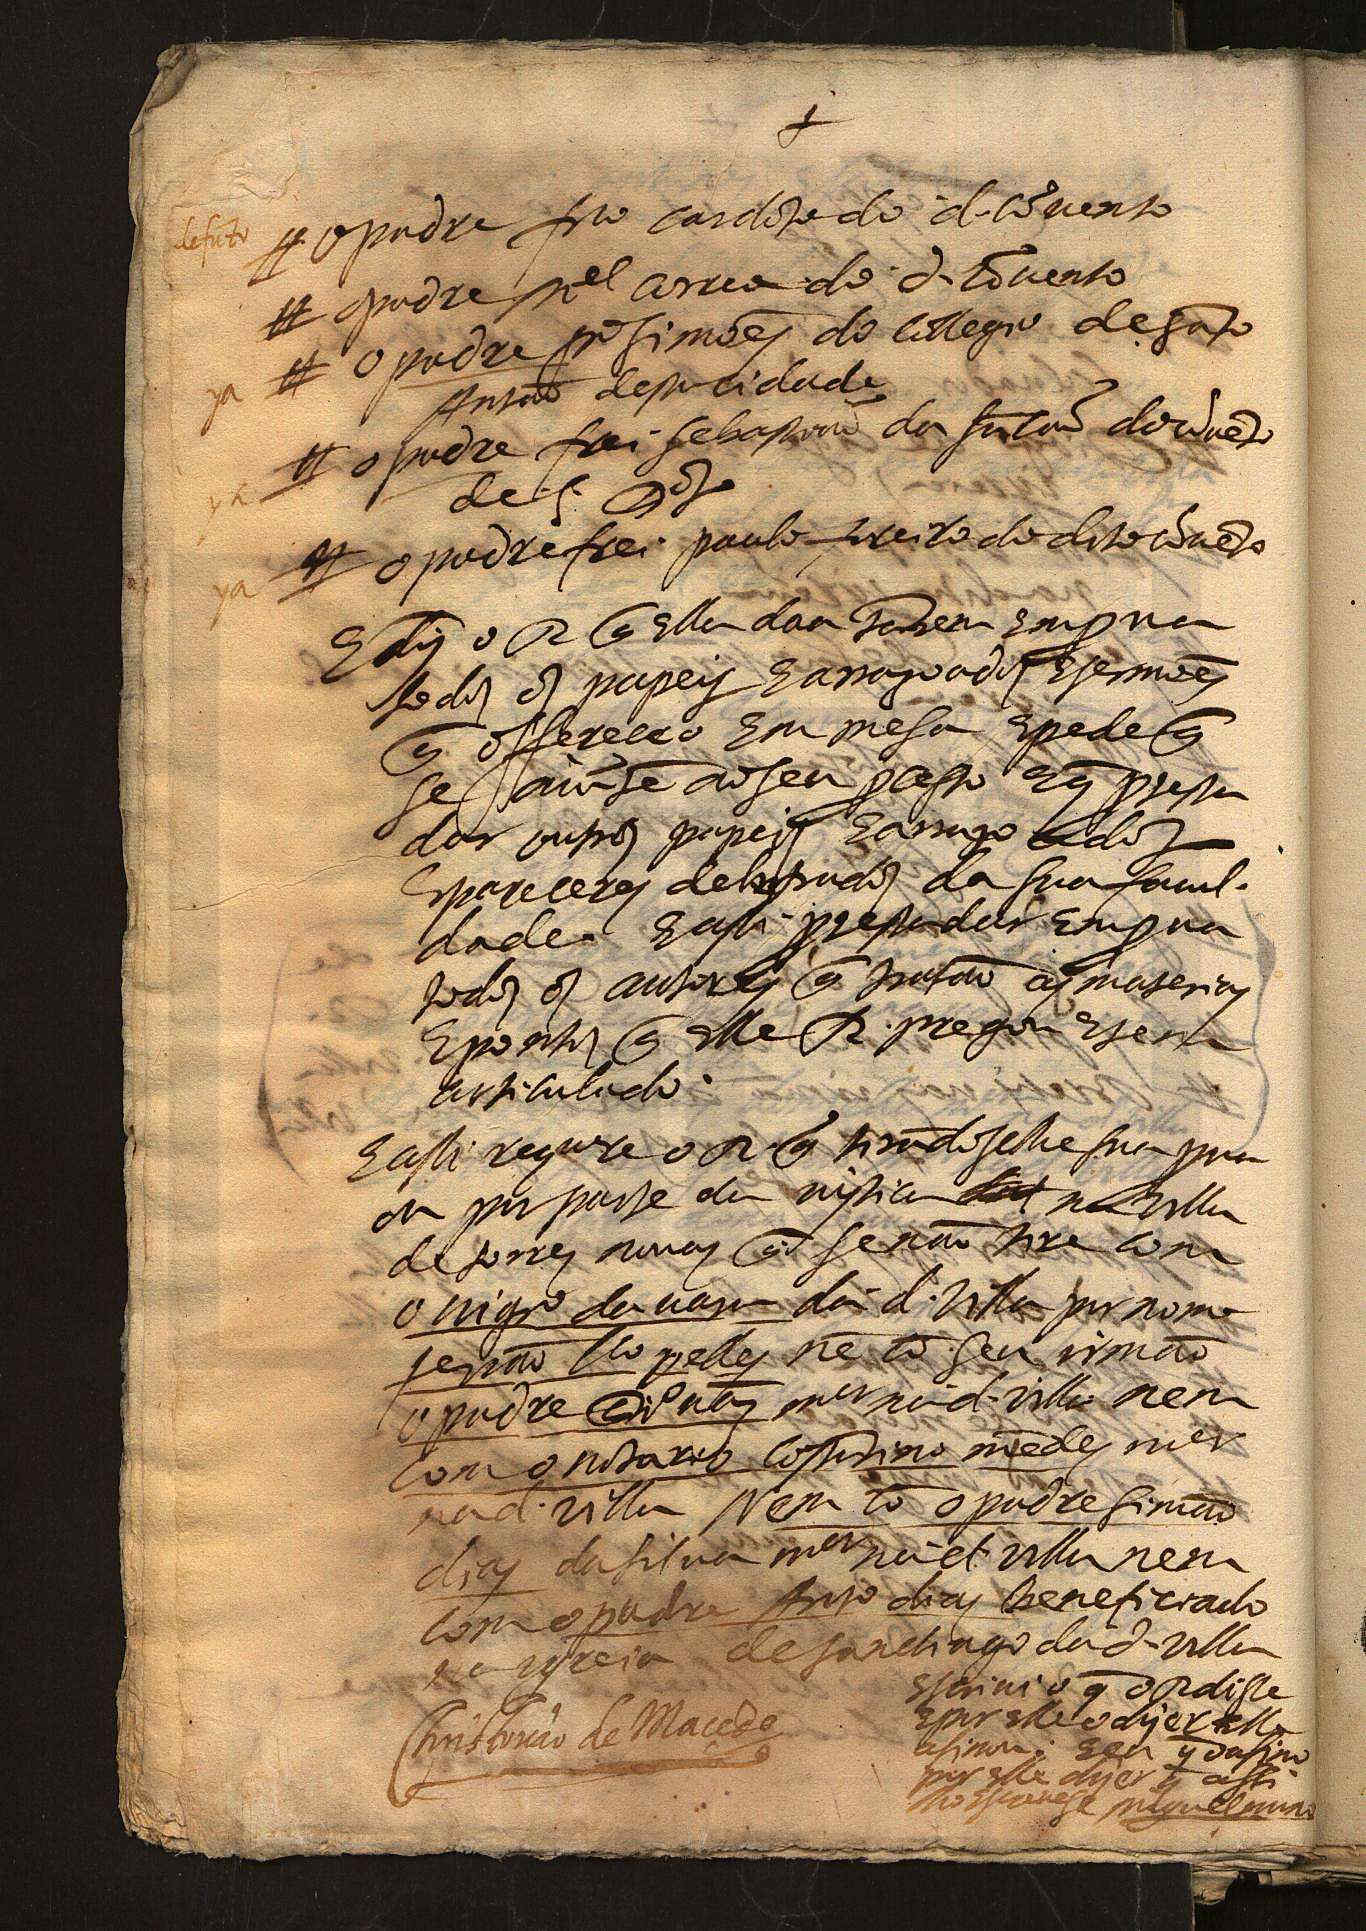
defūto
item o padre frco cardozo do d. cōuento
item o padre Mel correa do d. cōuento
item o padre po simoẽs do collegio de sāto
Antão desta cidade
item o padre frei sebastiaõ dasūçaõ do cōuēto
de S. Dos
item o padre frei paulo foreiro do dito cōuēto
E diz o R q̄ Ella daa tābem Em ꝓua
todos os papeis E arrasoados E sermoẽs
q̄ offereceo Em mesa E pede q̄
se aiūtē ao seu ꝓcesso E q̄ ꝓtesta
dar outros papeis E arrazoados
E pareceres de letrados da sua facul
dade. E asi ꝓtesta dar Em ꝓua
todos os autores q̄ trataõ as materias
E pontos q̄ Elle R. pregou E tem
articulado.
E assi requere o R. q̄ tirādoselhe sua ꝓua
ou por parte da iustiça _ na villa
de torres nouas q̄ se não tire com
o uigro da uara da d. villa por nome
fernão lço velles nē cō seu irmão
o padre Dio uāz mor na d. villa nem
com o notario costātino mēdez mor
na d. villa Nem cō o padre simão
dias da silua mor na d. villa nem
com o padre Anto diaz beneficiado
da igreia de sanctiago da d. villa
Escriui o q̄ o R disse
E por Elle o dizer Elle
asinou. E eu q̄ o asino
por Elle dizer q̄ assi
lho Escreuese Miguel nuno
Christouão de Macedo
